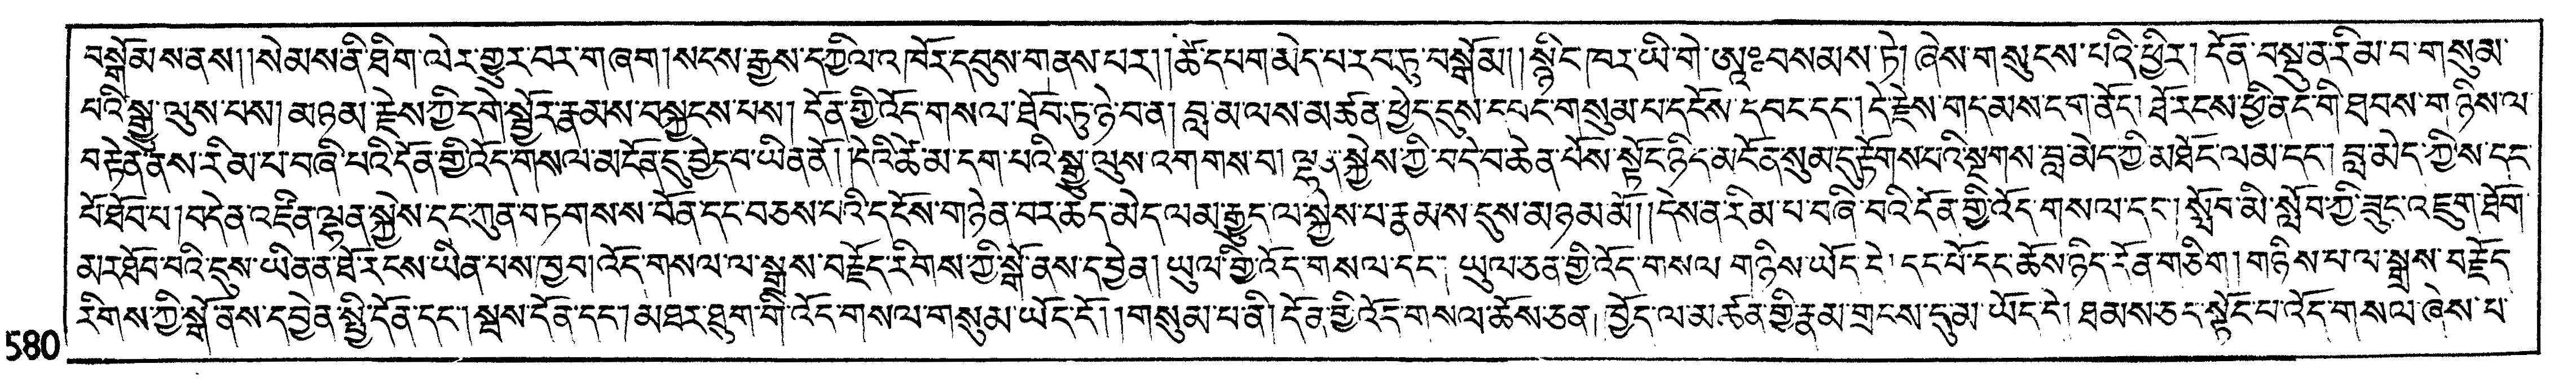བསྒོམས་ནས། །སེམས་ནི་ཐིག་ལེར་གྱུར་བར་གཞག །སངས་རྒྱས་དཀྱིལ་འཁོར་དབུས་གནས་པར། །ཚེ་དཔག་མེད་པ་རབ་ཏུ་བསྒོམ། །སྙིང་ཁར་ཡི་གེ་ཨཱཿ བསམས་ཏེ། ཞེས་གསུངས་པའི་ཕྱིར། དོན་བསྡུ་ན་རིམ་པ་གསུམ་
པའི་སྒྱུ་ལུས་པས། མཉམ་རྗེས་ཀྱི་དགེ་སྦྱོར་རྣམས་བསྐྱངས་པས། དོན་གྱི་འོད་གསལ་ཐོབ་ཏུ་ཉེ་བ་ན། བླ་མ་ལས་མཚན་ཕྱེད་དུས་དབང་གསུམ་པ་དངོས་དབང་དང་། དེ་རྗེས་གདམས་ངག་ནོད། ཐོ་རངས་ཕྱི་ནང་གི་ཐབས་གཉིས་ལ་
བརྟེན་ནས་རིམ་པ་བཞི་པའི་དོན་གྱི་འོད་གསལ་མངོན་དུ་བྱེད་པ་ཡིན་ནོ། །དེའི་ཚེ་མ་དག་པའི་སྒྱུ་ལུས་འགགས་པ། ལྷན་སྐྱེས་ཀྱི་བདེ་བ་ཆེན་པོས་སྟོང་ཉིད་མངོན་སུམ་དུ་རྟོགས་པའི་སྔགས་བླ་མེད་ཀྱི་མཐོང་ལམ་དང་། བླ་མེད་ཀྱི་ས་དང་
པོ་ཐོབ་པ། བདེན་འཛིན་ལྷན་སྐྱེས་དང་ཀུན་བཏགས་ས་བོན་དང་བཅས་པའི་དངོས་གཉེན་བར་ཆད་མེད་ལམ་རྒྱུད་ལ་སྐྱེས་པ་རྣམས་དུས་མཉམ་མོ། །དེས་ན་རིམ་པ་བཞི་བའི་དོན་གྱི་འོད་གསལ་དང་། སློབ་མི་སློབ་ཀྱི་ཟུང་འཇུག་ཐོག་
མར་ཐོབ་པའི་དུས་ཡིན་ན་ཐོ་རངས་ཡིན་པས་ཁྱབ། འོད་གསལ་ལ་སྒྲས་བརྗོད་རིགས་ཀྱི་སྒོ་ནས་དབྱེ་ན། ཡུལ་གྱི་འོད་གསལ་དང་། ཡུལ་ཅན་གྱི་འོད་གསལ་གཉིས་ཡོད་དེ། དང་པོ་དང་ཆོས་ཉིད་དོན་གཅིག །གཉིས་པ་ལ་སྒྲས་བརྗོད་
རིགས་ཀྱི་སྒོ་ནས་དབྱེན་སྤྱི་དོན་དང་། སྦས་དོན་དང་། མཐར་ཐུག་གི་འོད་གསལ་གསུམ་ཡོད་དོ། །གསུམ་པ་ནི། དོན་གྱི་འོད་གསལ་ཆོས་ཅན། །ཁྱོད་ལ་མཚན་གྱི་རྣམ་གྲངས་དུ་མ་ཡོད་དེ། ཐམས་ཅད་སྟོང་པ་འོད་གསལ་ཞེས་པ་